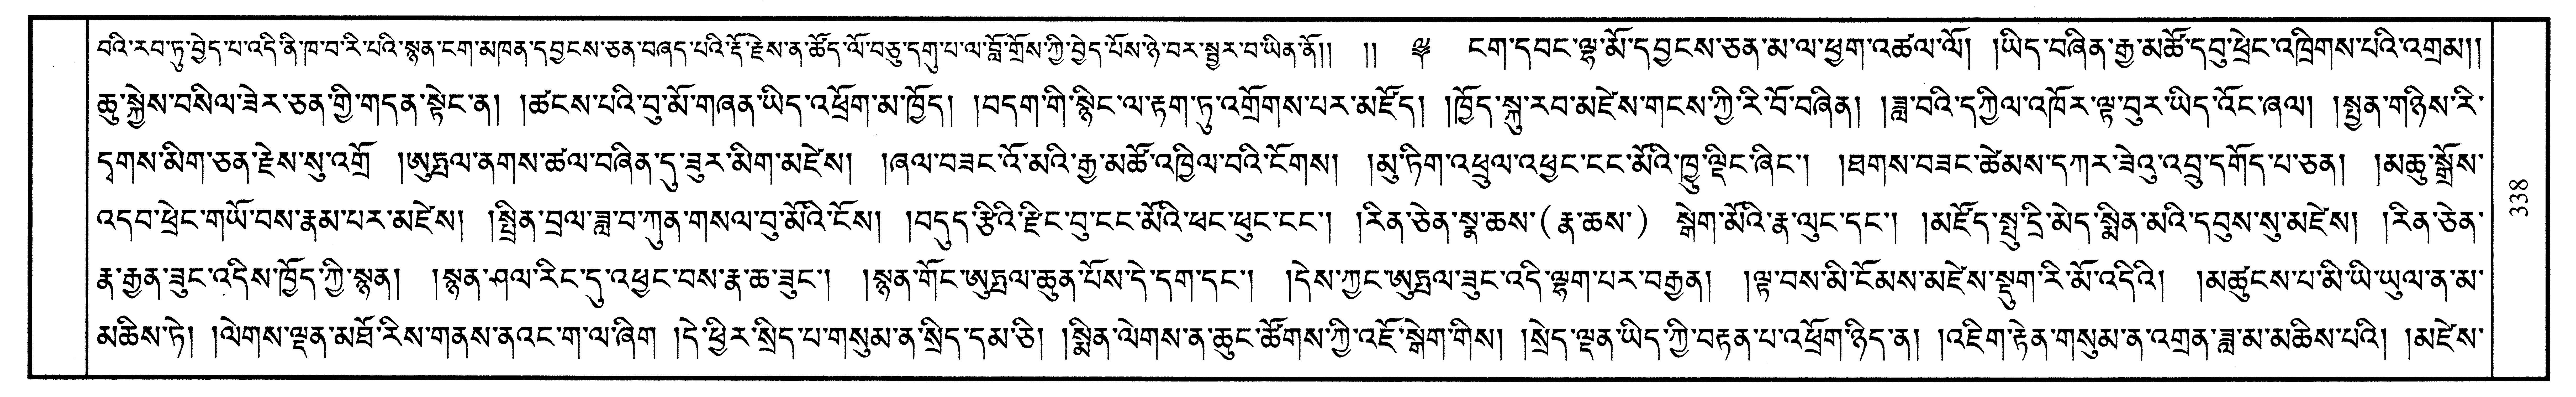བའི་རབ་ཏུ་བྱེད་པ་འདི་ནི་ཁ་བ་རི་པའི་སྙན་ངག་མཁན་དབྱངས་ཅན་བཞད་པའི་རྡོ་རྗེས་ན་ཚོད་ལོ་བཅུ་དགུ་པ་ལ་བློ་གྲོས་ཀྱི་བྱེད་པོས་ཉེ་བར་སྦྱར་བ་ཡིན་ནོ།། །། ༈ ངག་དབང་ལྷ་མོ་དབྱངས་ཅན་མ་ལ་ཕྱག་འཚལ་ལོ། །ཡིད་བཞིན་རྒྱ་མཚོ་དབུ་ཕྲེང་འཁྲིགས་པའི་འགྲམ།།
ཆུ་སྐྱེས་བསིལ་ཟེར་ཅན་གྱི་གདན་སྟེང་ན། །ཚངས་པའི་བུ་མོ་གཞན་ཡིད་འཕྲོག་མ་ཁྱོད། །བདག་གི་སྙིང་ལ་རྟག་ཏུ་འགྲོགས་པར་མཛོད། །ཁྱོད་སྐུ་རབ་མཛེས་གངས་ཀྱི་རི་བོ་བཞིན། །ཟླ་བའི་དཀྱིལ་འཁོར་ལྟ་བུར་ཡིད་འོང་ཞལ། །སྤྱན་གཉིས་རི་
དྭགས་མིག་ཅན་རྗེས་སུ་འགྲོ་།ཨུཏྤལ་ནགས་ཚལ་བཞིན་དུ་ཟུར་མིག་མཛེས། །ཞལ་བཟང་འོ་མའི་རྒྱ་མཚོ་འཁྱིལ་བའི་ངོགས། །མུ་ཏིག་འཕྲུལ་འཕྱང་ངང་མོའི་ཁྱུ་ལྡིང་ཞིང་། །ཐགས་བཟང་ཚེམས་དཀར་ཟེའུ་འབྲུ་དགོད་པ་ཅན། །མཆུ་སྒྲོས་
འདབ་ཕྲེང་གཡོ་བས་རྣམ་པར་མཛེས། །སྤྲིན་བྲལ་ཟླ་བ་ཀུན་གསལ་བུ་མོའི་ངོས། །བདུད་རྩིའི་རྫིང་བུ་ངང་མོའི་ཕང་ཕུང་དང་། །རིན་ཅེན་སྣ་ཆས་རྣ་ཆས་སྒེག་མོའི་རྣ་ལུང་དང་། །མཛོད་སྤུ་དྲི་མེད་སྨིན་མའི་དབུས་སུ་མཛེས། །རིན་ཅེན་
རྣ་རྒྱན་ཟུང་འདིས་ཁྱོད་ཀྱི་སྙན། །སྙན་ཤལ་རིང་དུ་འཕྱང་བས་རྣ་ཆ་ཟུང་། །སྙན་གོང་ཨུཏྤལ་ཆུན་པོས་དེ་དག་དང་། །དེས་ཀྱང་ཨུཏྤལ་ཟུང་འདི་ལྷག་པར་བརྒྱན། །ལྟ་བས་མི་ངོམས་མཛེས་སྡུག་རི་མོ་འདིའི། །མཚུངས་པ་མི་ཡི་ཡུལ་ན་མ་
མཆིས་ཏེ། །ལེགས་ལྡན་མཐོ་རིས་གནས་ནའང་ག་ལ་ཞིག །དེ་ཕྱིར་སྲིད་པ་གསུམ་ན་སྲིད་དམ་ཅི། །སྨིན་ལེགས་ན་ཆུང་ཚོགས་ཀྱི་འཇོ་སྒེག་གིས། །སྲེད་ལྡན་ཡིད་ཀྱི་བརྟན་པ་འཕྲོག་ཉིད་ན། །འཇིག་རྟེན་གསུམ་ན་འགྲན་ཟླ་མ་མཆིས་པའི། །མཛེས་